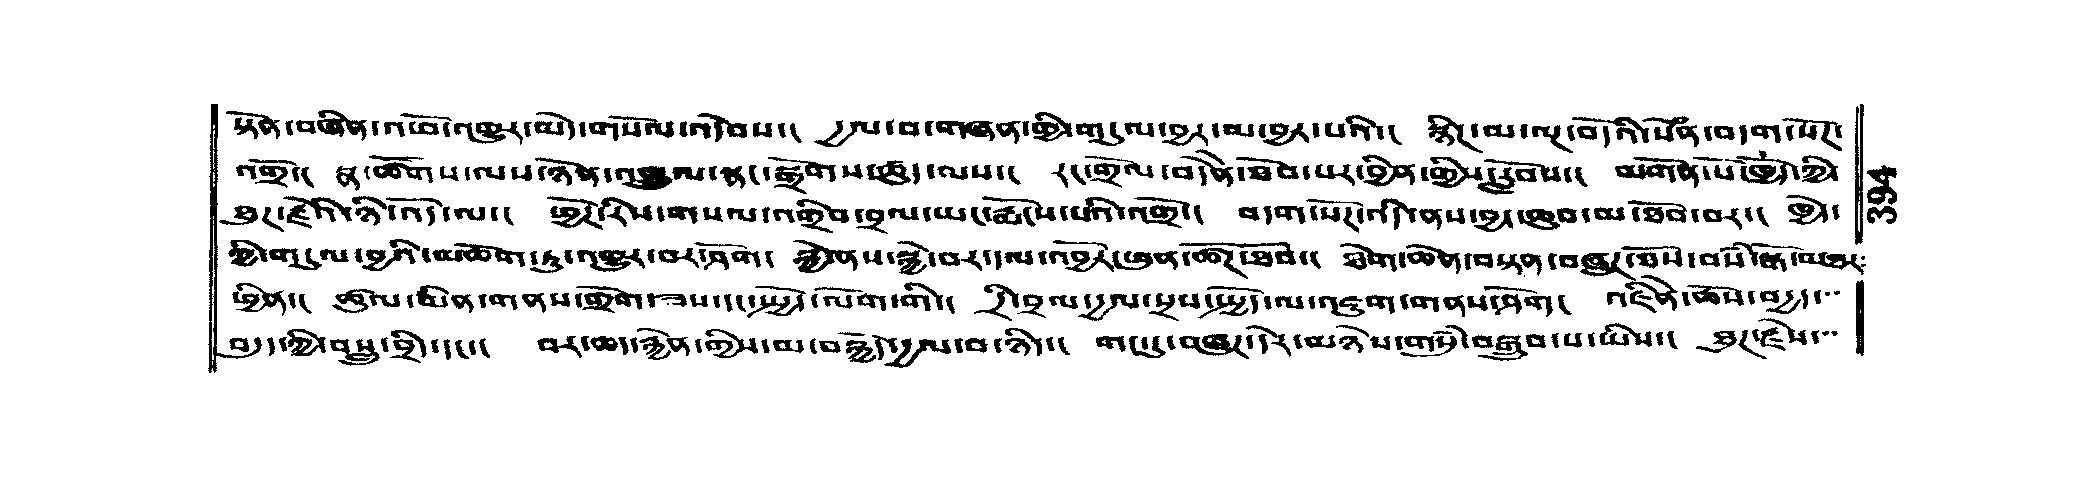སྟོན་བཞིན་འཕོ་འགྱུར་མེད་གསོལ་འདེབས། །རྒྱལ་བ་གཞན་གྱི་གདུལ་བྱར་མ་གྱུར་བའི། །སྙིགས་མ་ལྔ་བདོའི་སེམས་ཅན་བདག་སོགས་
འགྲོ། །སྣ་ཚོགས་ལས་ཉོན་འཁྲུལ་སྣང་སྒྲོག་ཚུད་ལས། །རང་གྲོལ་བདེ་ཆེན་ཐོབ་པར་བྱིན་གྱིས་རློབས། །མགོན་པོ་ཁྱོད་ཀྱི་
ཐུགས་རྗེའི་ཉི་འོད་ལ། །ཕྱོགས་རིས་གསལ་འགྲིབ་བྲལ་ཡང་རྨོངས་པའི་འགྲོ། །བདག་སོགས་འདི་ནས་བྱང་ཆུབ་མ་ཐོབ་པར། །ཁྱེད་
ཀྱི་གདུལ་བྱའི་མཆོག་ཏུ་འགྱུར་བར་ཤོག །སྐྱེ་ནས་སྐྱེ་བར་དལ་འབྱོར་ཕུན་ཚོགས་ཐོབ། །ཐེག་ཆེན་བསྟན་བཞུགས་ཐོས་བསམ་སྒོམ་མཐར་
ཕྱིན། །ཚུལ་མིན་གནས་གྲོགས་ཟས་དང་སྤྱོད་ལོག་གི།དྲི་བྲལ་རྒྱལ་སྲས་སྤྱོད་ལ་འཇུག་གནས་ཤོག །འཇིག་རྟེན་ཆོས་བརྒྱད་
བདུད་ཀྱི་བསླུ་བྲིད་དང་། །བར་ཆད་རྐྱེན་གྱིས་མ་བསྐྱོད་རྒྱལ་བ་ཉིད། །གང་དུ་བཞུགས་དེར་མཉེས་གསུམ་བསྒྲུབ་པ་ཡིས། །ཐུགས་རྗེས་